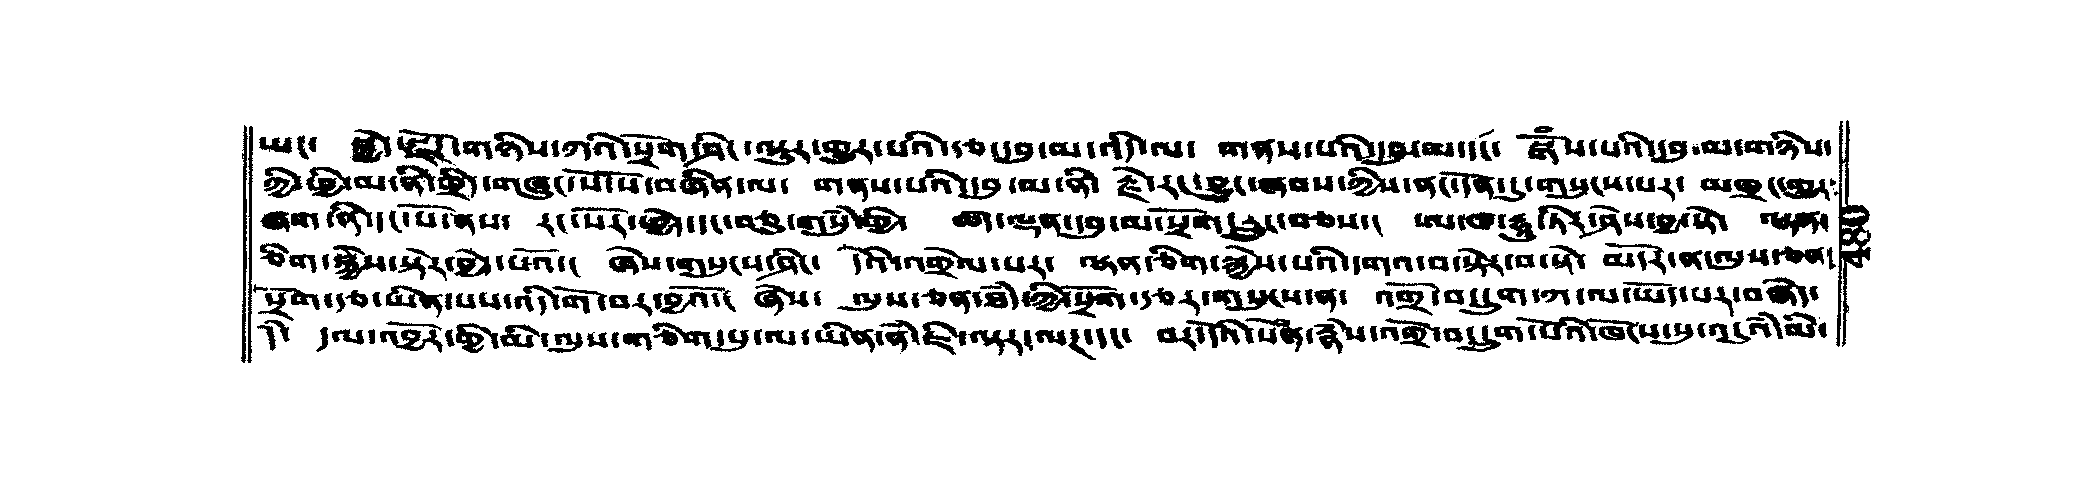༈ ཡང་། སྐྱེད་རྫོགས་གཉིས་ཀའི་སྲོག་ཤིང་ལྟ་བུར་གྱུར་པའི་རྩ་དབུ་མ་འདི་ལ། གནས་པའི་དབུ་མ་དང་། སྒོམས་པའི་དབུ་མ་གཉིས་
ཀྱི་ཕྱི་མ་ནི་ཁྲིད་གཞུང་སོ་སོ་བཞིན་ལ། གནས་པའི་དབུ་མ་ནི། རྗེ་རང་བྱུང་ཞབས་ཀྱིས་ནང་དོན་དུ་གསུངས་པར། མཁྲང་གྱུར་
ཞག་ནི་དང་པོ་ནས། །རང་སོར་ཕྱེད་དང་བཅུ་གསུམ་གྱི། །ཚད་ལྡན་དབུ་མ་སྲོག་རླུང་བཅས། །ཨ་ཝ་དྷཱུ་ཏིར་ཤེས་བྱ་སྟེ། །ལྷན་
ཅིག་སྐྱེས་སྟེར་བྱེད་པའོ། ཞེས་གསུངས་ཤིང་། དེའི་འགྲེལ་པར། ལྷན་ཅིག་སྐྱེས་པའི་དགའ་བ་སྟེར་བ་སྟེ། མདོར་ན་ལུས་ཅན་
སྲོག་རྩ་ཡིན་པས་འདི་གོ་བར་བྱའོ། ཞེས་ལུས་ཅན་ཐམས་ཅད་ཀྱི་སྲོག་རྩར་གསུངས་ན། འགྲོ་བ་དྲུག་ཀ་ལ་ཡོད་པར་བཞེད་
དམ། དལ་འབྱོར་གྱི་མི་ལུས་གཅིག་པུ་ལ་ཡིན་ནམ་ཇི་ལྟར་ལགས་དང་། བར་དོའི་སེམས་ཅན་རྣམས་འགྲོ་བ་དྲུག་པོའི་ཁོངས་སུ་འདུའམ་མི་